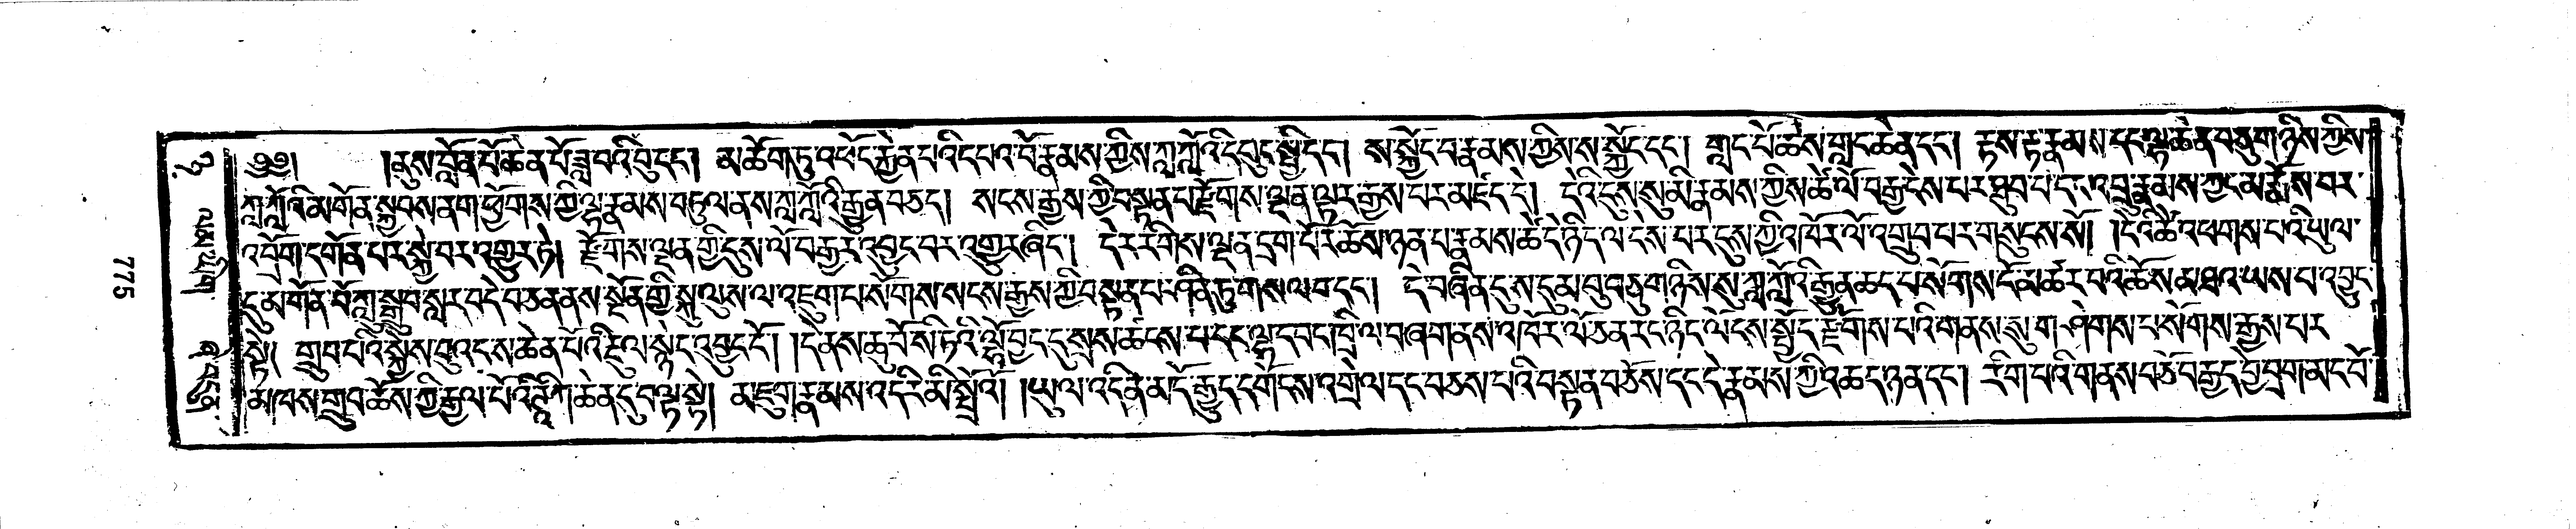༄༅། །ནུས་བློན་པོ་ཆེན་པོ་ཟླ་བའི་བུ་དང་། མཆོག་ཏུ་འཕོད་རྐྱེན་པའི་དཔའ་བོ་རྣམས་ཀྱིས་ཀླ་ཀློའི་དབུང་སྤྱི་དང་། ས་སྐྱོང་བ་རྣམས་ཀྱིས་ས་སྐྱོང་དང་། གླང་པོ་ཆེས་གླང་ཆེན་དང་། རྟས་རྟ་རྣམས་དང་ལྷ་ཆེན་བཅུ་གཉིས་ཀྱིས་
ཀླ་ཀློའི་མགོན་སྐྱབས་ནག་ཕྱོགས་ཀྱི་ལྷ་རྣམས་བཏུལ་ནས་ཀླ་ཀློའི་རྒྱུན་བཅད། སངས་རྒྱས་ཀྱི་བསྟན་པ་རྫོགས་ལྡན་ལྟར་རྒྱས་པར་མཛད་དེ། དེའི་དུས་སུ་མི་རྣམས་ཀྱིས་ཚེ་ལོ་བརྒྱ་ངེས་པར་ཐུབ་པ་དང་འབྲུ་རྣམས་ཀྱང་མ་རྨོས་བར་
འབྲོག་དགོན་པར་སྐྱེ་བར་འགྱུར་ཏེ། རྫོགས་ལྡན་གྱི་དུས་ལོ་བརྒྱར་འབྱུང་བར་འགྱུར་ཞིང་། དེར་རིགས་ལྡན་དྲག་པོར་ཆོས་ཉན་པ་རྣམས་ཚེ་དེ་ཉིད་ལ་ངེས་པར་དུས་ཀྱི་འཁོར་ལོ་འགྲུབ་པར་གསུངས་སོ། །དེའི་ཚེ་འཕགས་པའི་ཡུལ་
དུ་མགོན་བོ་ཀླུ་སྒྲུབ་སླར་བདེ་བ་ཅན་ནས་སྔོན་གྱི་སྐུ་ལུས་ལ་འཇུག་པ་སོགས་སངས་རྒྱས་ཀྱི་བསྟན་པ་ཤིན་ཏུ་གསལ་བ་དང་། དེ་བཞིན་དུ་ས་དུམ་བུ་བཅུ་གཉིས་སུ་ཀླ་ཀློའི་རྒྱུན་ཆད་པ་སོགས་ངོ་མཚར་བའི་ཆོས་མཐའ་ཡས་པ་འབྱུང་
སྟེ། གྲུབ་པའི་སྐྱེས་བུའང་ས་ཆེན་པོའི་རྡུལ་སྙེད་འབྱུང་ངོ། །དེ་ནས་ཆུ་བོ་ས་ཏིའི་ལྷོ་བྱང་དུ་སྲས་ཚངས་པ་དང་ལྷ་དབང་ཁྲི་ལ་བཞག་ནས་འཁོར་ལོ་ཅན་རང་ཉིད་ལོངས་སྤྱོད་རྫོགས་པའི་གནས་སུ་གཤེགས་པ་སོགས་རྒྱས་པར་
མཁས་གྲུབ་ཆོས་ཀྱི་རྒྱལ་པོའི་ཊཱཀི་ཆེན་དུ་བལྟ་སྟེ། མཇུག་རྣམས་འདིར་མི་སྤྲོའོ། །ཡུལ་འདི་ན་མདོ་རྒྱུད་དགོངས་འགྲེལ་དང་བཅས་པའི་བསྟན་བཅོས་དང་དེ་རྣམས་ཀྱི་འཆད་ཉན་དང་། རིག་པའི་གནས་བཅོ་བརྒྱད་བྱེ་བྲག་མང་པོ་